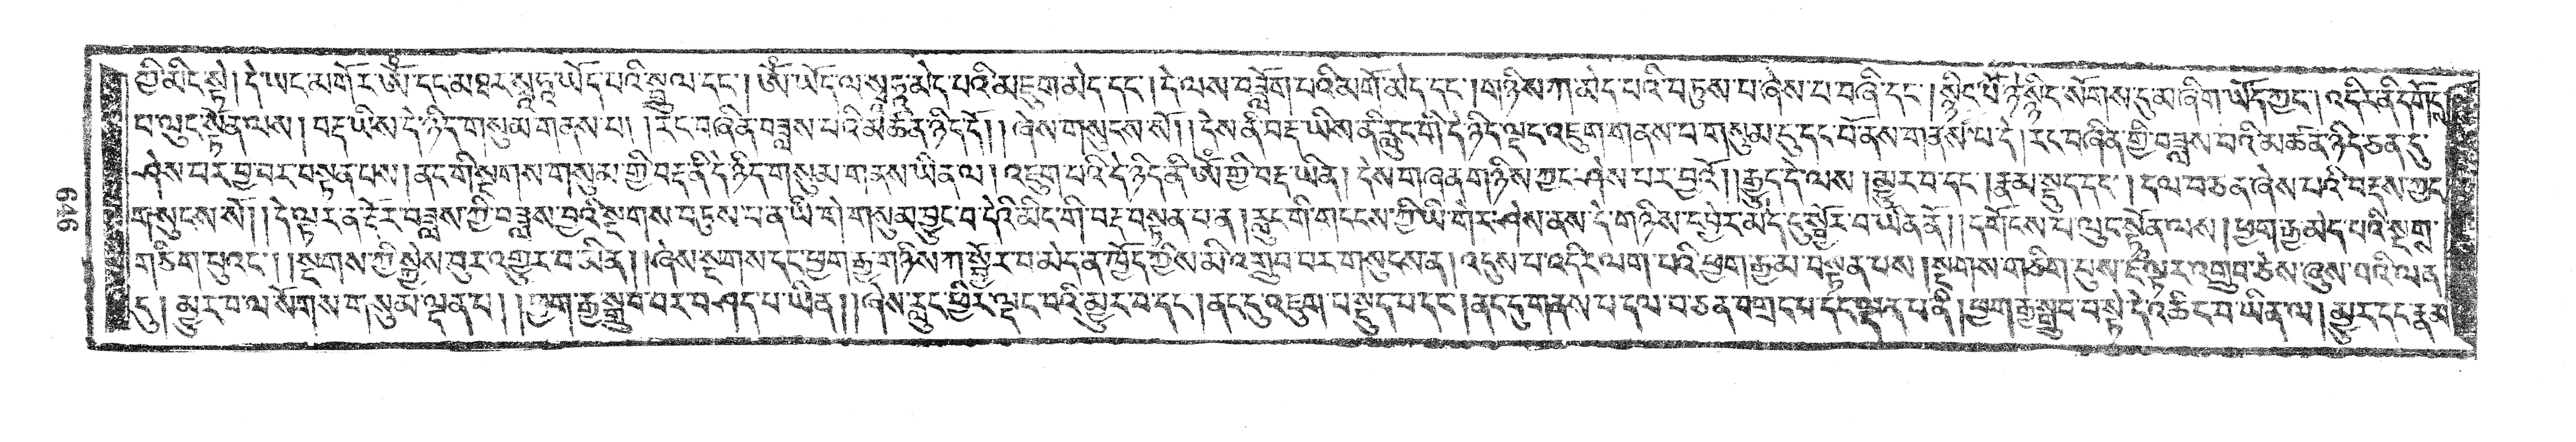ཀྱི་མིང་སྟེ། དེ་ཡང་མགོར་ཨོཾ་དང་མཐར་སྭཱཧཱ་ཡོད་པའི་སྦྲུལ་དང་། ཨོཾ་ཡོད་ལ་སྭཱ་ཧཱ་མེད་པའི་མཇུག་མེད་དང་། དེ་ལས་བཟློག་པའི་མགོ་མེད་དང་། གཉིས་ཀ་མེད་པའི་བཏུས་པ་ཞེས་པ་བཞི་དང་། སྙིང་པོ་ཉེ་སྙིང་སོགས་དུ་མ་ཞིག་ཡོད་ཀྱང་། འདིར་ནི་དགོངས་
པ་ལུང་སྟོན་ལས། བརྡ་ཡིས་དེ་ཉིད་གསུམ་གནས་པ། །རང་བཞིན་བཟླས་པའི་མཚན་ཉིད་དོ། །ཞེས་གསུངས་སོ། །དེས་ནི་བརྡ་ཡིས་ནི་རླུང་གི་དེ་ཉིད་ལྡང་འཇུག་གནས་པ་གསུམ་དུ་དང་པོ་ནས་གནས་པ་དེ། རང་བཞིན་གྱི་བཟླས་པའི་མཚན་ཉིད་ཅན་དུ་
ཤེས་པར་བྱ་བར་བསྟན་པས། ནང་གི་སྔགས་གསུམ་གྱི་བརྡ་ནི་དེ་ཉིད་གསུམ་གནས་ཡིན་ལ། འཇུག་པའི་དེ་ཉིད་ནི་ཨོཾ་གྱི་བརྡ་ཡིན། དེས་གཞན་གཉིས་ཀྱང་ཤེས་པར་བྱའོ། །རྒྱུད་དེ་ལས། མྱུར་བ་དང་། རྣམ་སྡུད་དང་། དལ་བ་ཅན་ཞེས་པའི་བརྡས་ཀྱང་
གསུངས་སོ། །དེ་ལྟར་ན་རྡོར་བཟླས་ཀྱི་བཟླས་བྱའི་སྔགས་བཏུས་པ་ན་ཡི་གེ་གསུམ་བྱུང་བ་དེའི་མིང་གི་བརྡ་བསྟན་པ་ན། རླུང་གི་གདངས་ཀྱི་ཡི་གེར་ཤེས་ནས་དེ་གཉིས་དབྱེར་མེད་དུ་སྦྱོར་བ་ཡིན་ནོ། །དགོངས་པ་ལུང་སྟོན་ལས། ཕྱག་རྒྱ་མེད་པའི་སྔགས་
གཅིག་པུའང་། །སྔགས་ཀྱི་སྐྱེས་བུར་འགྱུར་བ་མིན། །ཞེས་སྔགས་དང་ཕྱག་རྒྱ་གཉིས་ཀ་སྦྱོར་བ་མེད་ན་ཁྱོད་ཀྱིས་མི་འགྲུབ་པར་གསུངས་ན། འདུས་པ་འདིར་ལག་པའི་ཕྱག་རྒྱ་མ་བསྟན་པས། སྔགས་གཅིག་པུས་ཇི་ལྟར་འགྲུབ་ཅེས་ཞུས་པའི་ལན་
དུ། མྱུར་བ་ལ་སོགས་གསུམ་ལྡན་པ། །ཕྱག་རྒྱ་སྒྲུབ་པར་བཤད་པ་ཡིན། །ཞེས་རླུང་ཕྱིར་ལྡང་བའི་མྱུར་བ་དང་། ནང་དུ་འཇུག་པ་སྡུད་པ་དང་། ནང་དུ་གནས་པ་དལ་པ་ཅན་བགྲང་པ་དང་ལྡན་པ་ནི། ཕྱག་རྒྱ་སྒྲུབ་པ་སྟེ་དེ་འཆིང་བ་ཡིན་ལ། མྱུར་དང་རྣམ་